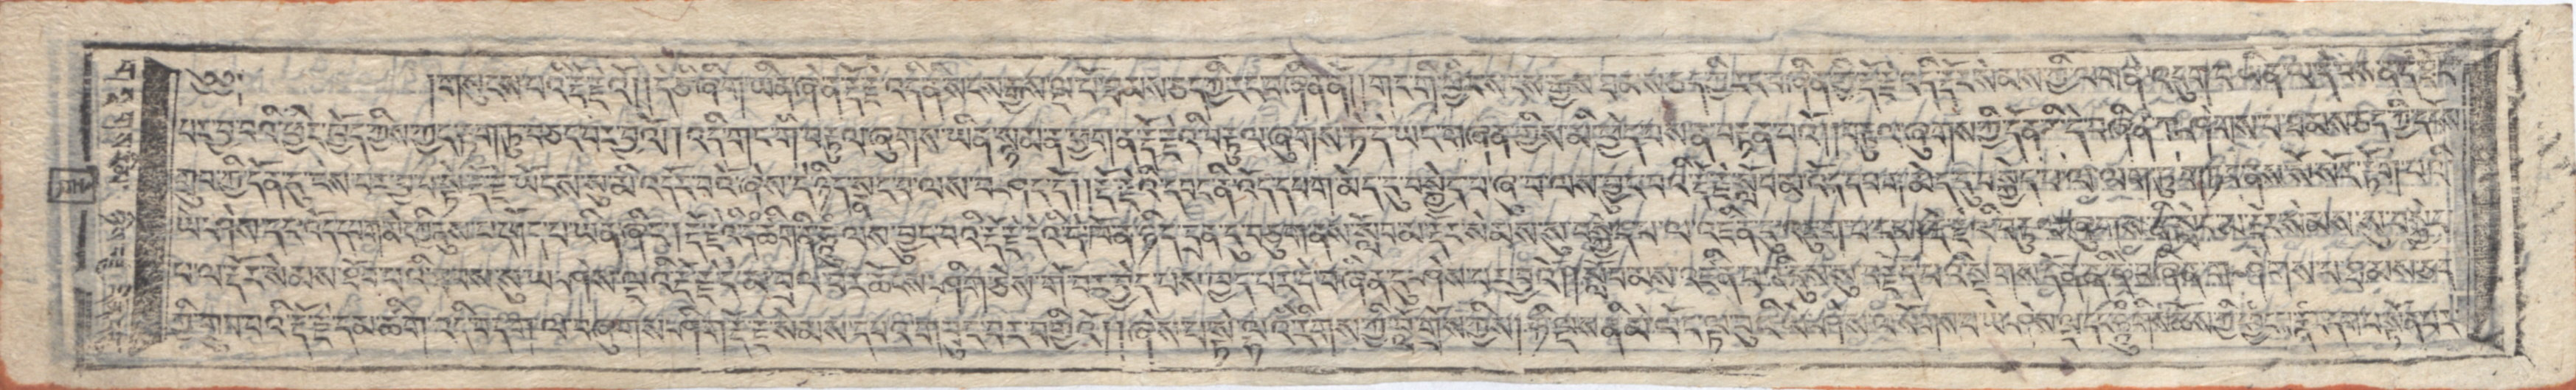༄༅། །གསུངས་པའི་རྡོ་རྗེའོ། །དེ་ཅི་ཞིག་ཡིན་ཞེ་ན་རྡོ་རྗེ་འདི་ནི་སངས་རྒྱས་ལྔ་པོ་ཐམས་ཅད་ཀྱི་རང་བཞིན་ནོ། །གང་གི་ཕྱིར་སངས་རྒྱས་ཐམས་ཅད་ཀྱི་རང་བཞིན་གྱི་རྡོ་རྗེ་འདི་རྡོར་སེམས་ཀྱི་ལག་ན་འདུག་པ་ཡིན་ལ་དེ་བས་ན་དེ་ཐོབ་
པར་བྱ་བའི་ཕྱིར་ཁྱོད་ཀྱིས་ཀྱང་རྟག་ཏུ་བཅང་བར་བྱའོ། །འདི་གང་གི་བརྟུལ་ཞུགས་ཡིན་སྙམ་ན་ཕྱག་ན་རྡོ་རྗེའི་བརྟུལ་ཞུགས་ཏེ་དེ་ཡང་གཞན་གྱིས་མི་ཕྱེད་པས་ན་བརྟན་པའོ། །བརྟུལ་ཞུགས་ཀྱི་དོན་ནི་དེ་བཞིན་གཤེགས་པ་ཐམས་ཅད་ཀྱི་དངོས་
གྲུབ་ཀྱི་དོན་དུ་ངེས་པར་བྱ་བ་སྟེ་རྡོ་རྗེ་ཡོངས་སུ་མི་འདོར་བའོ་ཞེས་དེ་ཉིད་སྣང་བ་ལས་བཤད་དོ། །རྡོ་རྗེའི་དབང་ནི་འོད་དཔག་མེད་དུ་བསྐྱེད་པ་ཞུ་བ་ལས་བྱུང་བའི་རྡོ་རྗེ་སློབ་མ་འོད་དཔག་མེད་དུ་བསྐྱེད་པ་ལ་ལག་ཏུ་གཏད་ནས་སོ་སོར་རྟོག་པའི་
ཡེ་ཤེས་དང་འོད་དཔག་མེད་ཀྱི་ནུས་པ་དགོད་པ་ཡིན་ཞིང་། རྡོ་རྗེའི་དམ་ཚིག་ནི་ཧཱུཾ་ལས་བྱུང་བའི་རྡོ་རྗེ་དེའི་དེ་ཁོ་ན་ཉིད་དྲན་དུ་བཅུག་ནས་སློབ་མ་རྡོར་སེམས་སུ་བསྐྱེད་པ་ལ་འཛིན་དུ་འཇུག་པ་དང་། རྡོ་རྗེའི་བརྟུལ་ཞུགས་ནི་སློབ་མ་རྡོར་སེམས་སུ་བསྐྱེད་
པ་ལ་རྡོར་སེམས་ཐོབ་པའི་ཐབས་སུ་ཡེ་ཤེས་ལྔའི་རྡོ་རྗེ་དེ་མ་བྲལ་བར་ཆོངས་ཤིག་ཅེས་གོ་བར་བྱེད་པས་ཁྱད་པར་དེ་བཞིན་དུ་ཤེས་པར་བྱའོ། །སློབ་མས་འཛིན་པའི་དུས་སུ་བརྗོད་པའི་སྔགས་དོན་ནི་དེ་བཞིན་གཤེགས་པ་ཐམས་ཅད་
ཀྱི་གྲུབ་པའི་རྡོ་རྗེ་དམ་ཚིག་འདི་བདག་ལ་བཞུགས་ཤིག་རྡོ་རྗེ་སེམས་དཔའ་གཟུང་བར་བགྱིའོ། །ཞེས་པ་སྟེ་ལྷའི་རིགས་ཀྱི་བློ་གྲོས་ཀྱིས། ཧི་ལྔས་ནི་མེ་ལོང་ལྟ་བུའི་ཡེ་ཤེས་ལ་སོགས་པ་ཡེ་ཤེས་ལྔ་དང་ཧཱུཾ་གིས་ཆོས་ཀྱི་དབྱིངས་རྣམ་པར་དག་པ་སྟོན་པར་